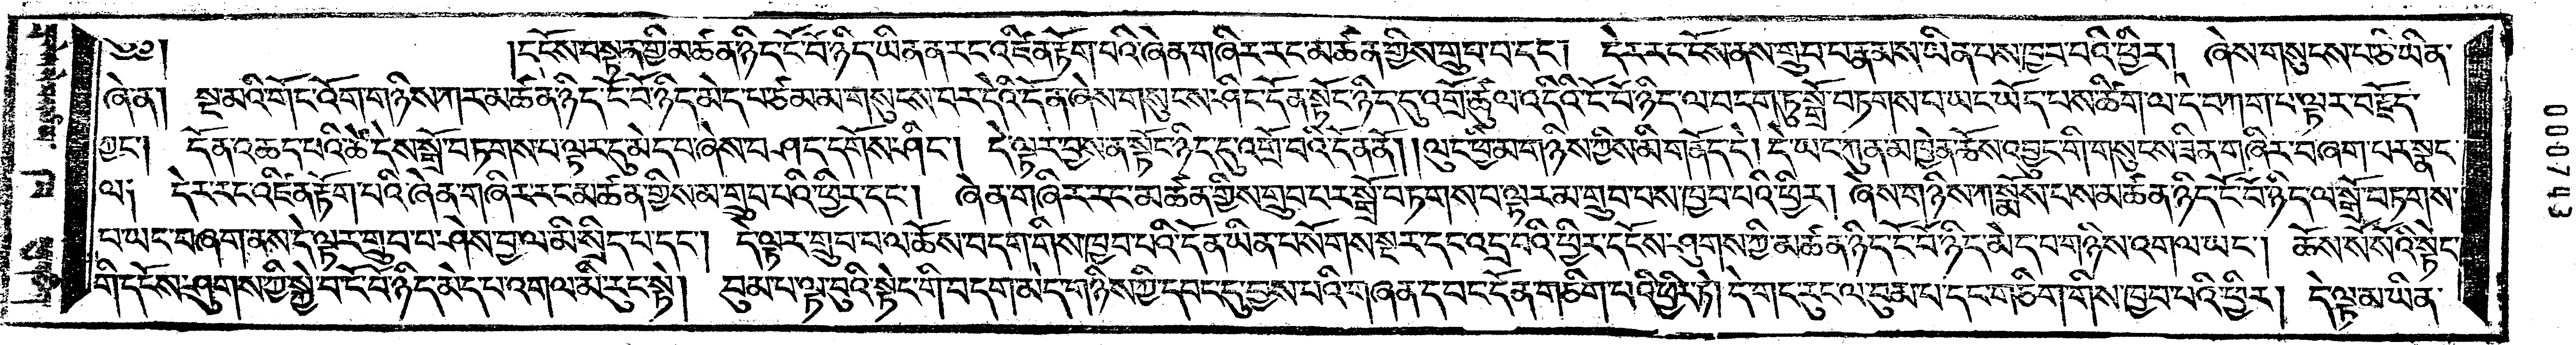༄༅། །དངོས་བསྟན་གྱི་མཚན་ཉིད་ངོ་བོ་ཉིད་ཡིན་ན་རང་འཛིན་རྟོག་པའི་ཞེན་གཞིར་རང་མཚན་གྱིས་གྲུབ་པ་དང་། དེར་རང་ངོས་ནས་གྲུབ་པ་རྣམས་ཡིན་པས་ཁྱབ་པའི་ཕྱིར། ཞེས་གསུངས་པ་ཅི་ཡིན་
ཞེ་ན། སྔ་མའི་གོང་འོག་གཉིས་ཀར་མཚན་ཉིད་ངོ་བོ་ཉིད་མེད་པ་ཙམ་མ་གསུངས་པར་དེའི་དོན་ཞེས་གསུངས་ཤིང་དོན་སྟོང་ཉིད་དུ་འགྲོ་ཚུལ་འདིའི་ངོ་བོ་ཉིད་ལ་བདག་ཏུ་སྒྲོ་བཏགས་པ་ཡང་ཡོད་པས་ཚིག་ལ་དེ་བཀག་པ་ལྟར་བརྗོད་
ཀྱང་། དོན་འཆད་པའི་ཚེ་དེས་སྒྲོ་བཏགས་པ་ལྟར་དུ་མེད་པ་ཞེས་བཤད་དགོས་ཤིང་། དེ་ལྟར་བྱས་ན་སྟོང་ཉིད་དུ་འགྲོ་བའི་དོན་ནོ། །ལུང་ཕྱི་མ་གཉིས་ཀྱིས་མི་གནོད་དེ། དེ་ཡང་ཀུན་མཁྱེན་ཆོས་འབྱུང་གི་གསུངས་ཟིན་གཞིར་བཞག་པར་སྣང་
ལ། དེར་རང་འཛིན་རྟོག་པའི་ཞེན་གཞིར་རང་མཚན་གྱིས་མ་གྲུབ་པའི་ཕྱིར་དང་། ཞེན་གཞིར་རང་མཚན་གྱིས་གྲུབ་པར་སྒྲོ་བཏགས་པ་ལྟར་མ་གྲུབ་པས་ཁྱབ་པའི་ཕྱིར། ཞེས་གཉིས་ཀ་སྨོས་པས་མཚན་ཉིད་ངོ་བོ་ཉིད་ལ་སྒྲོ་བཏགས་
པ་ཡང་བཞག་ནས་དེ་ལྟར་གྲུབ་པ་ཤེས་བྱ་ལ་མི་སྲིད་པ་དང་། དེ་ལྟར་གྲུབ་པ་ལ་ཆོས་བདག་གིས་ཁྱབ་པའི་དོན་ཡིན་པ་སོགས་སྔར་དང་འདྲ་བའི་ཕྱིར་དངོས་ཤུགས་ཀྱི་མཚན་ཉིད་ངོ་བོ་ཉིད་མེད་པ་གཉིས་འགལ་ཡང་། ཆོས་སོ་སོའི་སྟེང་
གི་དངོས་ཤུགས་ཀྱི་སྐྱེ་བ་ངོ་བོ་ཉིད་མེད་པ་འགལ་མི་རུང་སྟེ། བུམ་པ་ལྟ་བུའི་སྟེང་གི་བདག་མེད་གཉིས་ཀྱི་དབང་དུ་བྱས་པའི་གཞན་དབང་དོན་གཅིག་པའི་ཕྱིར་ཏེ། དེ་གང་རུང་ལ་བུམ་པ་དང་གཅིག་གིས་ཁྱབ་པའི་ཕྱིར། དེ་ལྟ་མ་ཡིན་